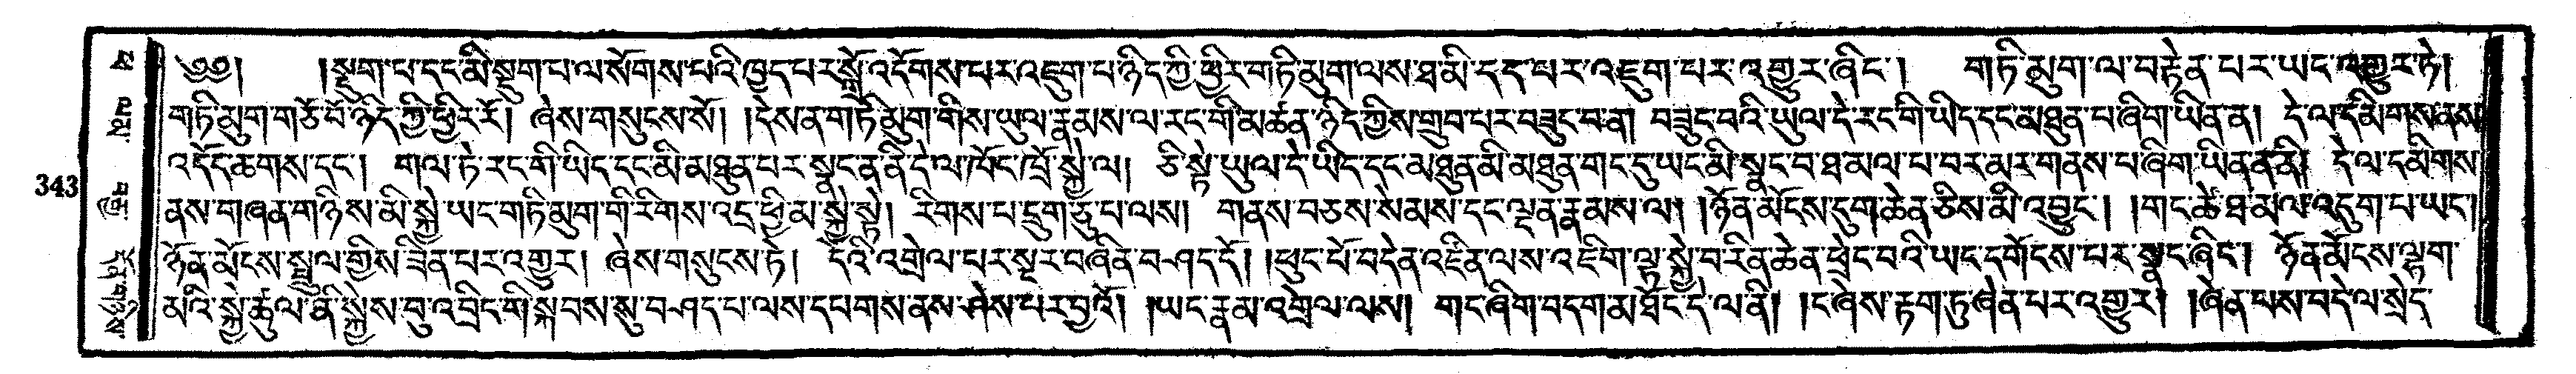༄༅། །སྡུག་པ་དང་མི་སྡུག་པ་ལ་སོགས་པའི་ཁྱད་པར་སྒྲོ་འདོགས་པར་འཇུག་པ་ཉིད་ཀྱི་ཕྱིར་གཏི་མུག་ལས་ཐ་མི་དད་པར་འཇུག་པར་འགྱུར་ཞིང་། གཏི་མུག་ལ་བརྟེན་པར་ཡང་འགྱུར་ཏེ།
གཏི་མུག་གཙོ་བོ་ཉིད་ཀྱི་ཕྱིར་རོ། ཞེས་གསུངས་སོ། །དེས་ན་གཏི་མུག་གིས་ཡུལ་རྣམས་ལ་རང་གི་མཚན་ཉིད་ཀྱིས་གྲུབ་པར་བཟུང་བ་ན། བཟུང་བའི་ཡུལ་དེ་རང་གི་ཡིད་དང་མཐུན་པ་ཞིག་ཡིན་ན། དེ་ལ་དམིགས་ནས་
འདོད་ཆགས་དང་། གལ་ཏེ་རང་གི་ཡིད་དང་མི་མཐུན་པར་སྣང་ན་ནི་དེ་ལ་ཁོང་ཁྲོ་སྐྱེ་ལ། ཅི་སྟེ་ཡུལ་དེ་ཡིད་དང་མཐུན་མི་མཐུན་གང་དུ་ཡང་མི་སྣང་བ་ཐ་མལ་པ་བར་མར་གནས་པ་ཞིག་ཡིན་ན་ནི། དེ་ལ་དམིགས་
ནས་གཞན་གཉིས་མི་སྐྱེ་ཡང་གཏི་མུག་གི་རིགས་འདྲ་ཕྱི་མ་སྐྱེ་སྟེ། རིགས་པ་དྲུག་ཅུ་པ་ལས། གནས་བཅས་སེམས་དང་ལྡན་རྣམས་ལ། །ཉོན་མོངས་དུག་ཆེན་ཅིས་མི་འབྱུང་། །གང་ཚེ་ཐ་མལ་འདུག་པ་ཡང་
ཉོན་མོངས་སྤྲུལ་གྱིས་ཟིན་པར་འགྱུར། ཞེས་གསུངས་ཏེ། དེའི་འགྲེལ་པར་སྔར་བཞིན་བཤད་དོ། །ཕུང་པོ་བདེན་འཛིན་ལས་འཇིག་ལྟ་སྐྱེ་བ་རིན་ཆེན་ཕྲེང་བའི་ཡང་དགོངས་པར་སྣང་ཞིང་། ཉོན་མོངས་ལྷག་
མའི་སྐྱེ་ཚུལ་ནི་སྐྱེས་བུ་འབྲིང་གི་སྐབས་སུ་བཤད་པ་ལས་དཔགས་ནས་ཤེས་པར་བྱའོ། །ཡང་རྣམ་འགྲེལ་ལས། གང་ཞིག་བདག་མཐོང་དེ་ལ་ནི། ང་ཞེས་རྟག་ཏུ་ཞེན་པར་འགྱུར། །ཞེན་པས་བདེ་ལ་སྲེད་